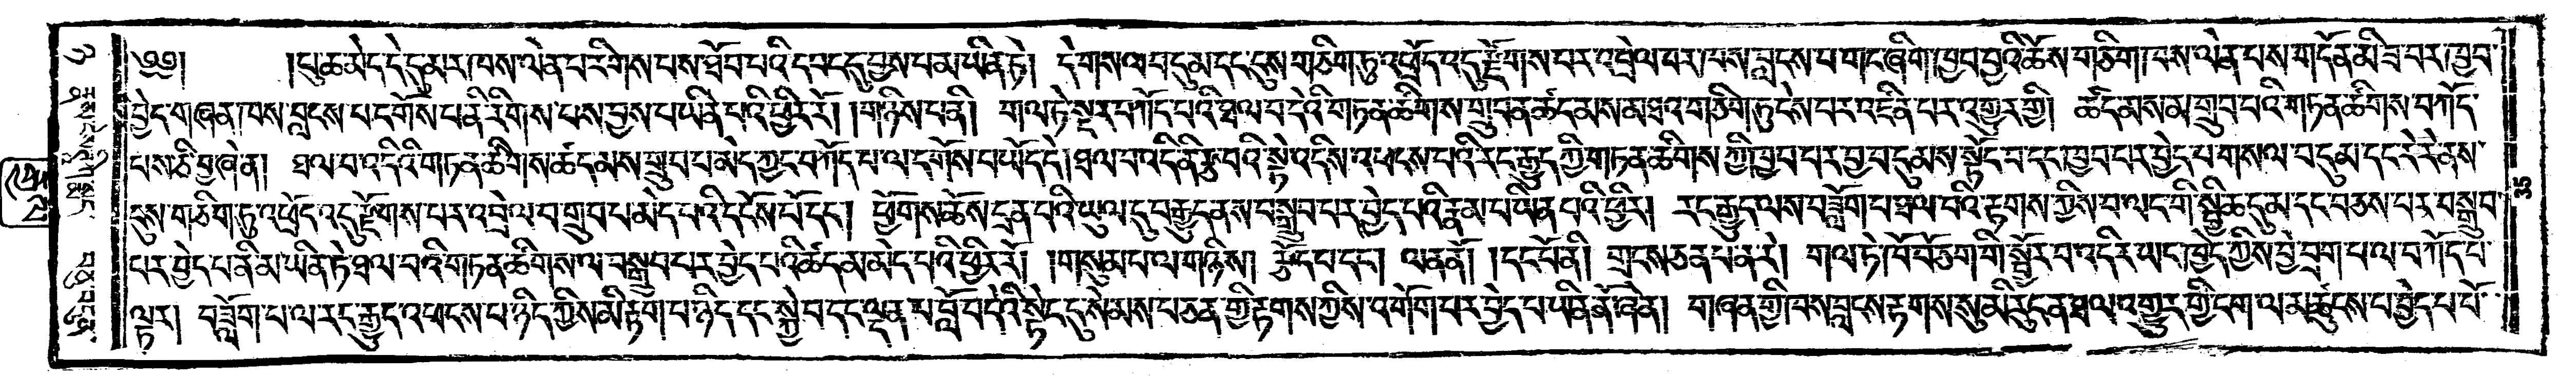༄༅། །པུ་ཆ་མེད་དེ་དུ་མར་ཁས་ལེན་པ་རིགས་པས་ཐོབ་པའི་དབང་དུ་བྱས་པ་མ་ཡིན་ཏེ། དེ་གསལ་བ་དུ་མ་དང་དུས་གཅིག་ཏུ་འཕྲོད་འདུ་རྫོགས་པར་འབྲེལ་བར་ཁས་བླངས་པ་གང་ཞིག་ཁྱབ་བྱའི་ཆོས་གཅིག་ཁས་ལེན་པས་གདོན་མི་ཟ་བར་ཁྱབ་
བྱེད་གཞན་ཁས་བླངས་པ་དགོས་པ་ནི་རིགས་པས་བྱས་པ་ཡིན་པའི་ཕྱིར་རོ། །གཉིས་པ་ནི། གལ་ཏེ་སྔར་བཀོད་པའི་ཐལ་བ་དེའི་གཏན་ཚིགས་གྲུབ་ན་ཚད་མས་མཐའ་གཅིག་ཏུ་ངེས་པར་འཛིན་པར་འགྱུར་གྱི། ཚད་མས་མ་གྲུབ་པའི་གཏན་ཚིགས་བཀོ་
པས་ཅི་བྱ་ཞེ་ན། ཐལ་བ་འདིའི་གཏན་ཚིགས་ཚད་མས་གྲུབ་པ་མེད་ཀྱང་བཀོད་པ་ལ་དགོས་པ་ཡོད་དེ། ཐལ་བ་འདི་ནི་རྩ་བའི་སྟེ་འདིས་འཕགས་པའི་རང་རྒྱུད་ཀྱི་གཏན་ཚིགས་ཀྱི་ཁྱབ་བར་བྱ་བ་དུ་མས་སྟོང་བ་དང་ཁྱབ་པར་བྱེད་པ་གསལ་བ་དུ་མ་དང་རེ་རེ་ནས་
དུས་གཅིག་ཏུ་འཕྲོད་འདུ་རྫོགས་པར་འབྲེལ་བ་གྲུབ་པ་མེད་པའི་དངོས་པོ་དང་། ཕྱོགས་ཆོས་དྲན་པའི་ཡུལ་དུ་བརྒྱུད་ནས་བསྒྲུབ་པར་བྱེད་པའི་རྣམ་པ་ཡིན་པའི་ཕྱིར། རང་རྒྱུད་ལས་བཟློག་པ་ཐལ་བའི་རྟགས་ཀྱིས་བ་ལང་གི་སྦྱི་ཆ་དུ་མ་དང་བཅས་པར་བསྒྲུབ་
པར་བྱེད་པ་ནི་མ་ཡིན་ཏེ་ཐལ་བའི་གཏན་ཚིགས་ལ་བསྒྲུབ་པར་བྱེད་པའི་ཚད་མ་མེད་པའི་ཕྱིར་རོ། །གསུམ་པ་ལ་གཉིས། རྩོད་པ་དང་། ལན་ནོ། །དང་པོ་ནི། གྲངས་ཅན་པ་ན་རེ། གལ་ཏེ་ཁོ་བོ་ཅག་གི་སྦྱོར་བ་འདིར་ཡང་ཁྱེད་ཀྱིས་བྱེ་བྲག་པ་ལ་བཀོད་པ་
ལྟར། བཟློག་པ་ལ་རང་རྒྱུད་འཕངས་པ་ཉིད་ཀྱིས་མི་རྟག་པ་ཉིད་དང་སྐྱེ་བ་དང་ལྡན་པ་བློ་བདེའི་སྟེང་དུ་སེམས་ཅན་གྱི་རྟགས་ཀྱིས་འགོག་པར་བྱེད་པ་ཡིན་ནོ་ཞེ་ན་ཞང་ཡི་ཁས་བླངས་རྟགས་སུ་མི་རུང་ན་ཐལ་འགྱུར་གྱི་ངག་ལ་མཚུངས་པ་བྱེད་པ་པོ་